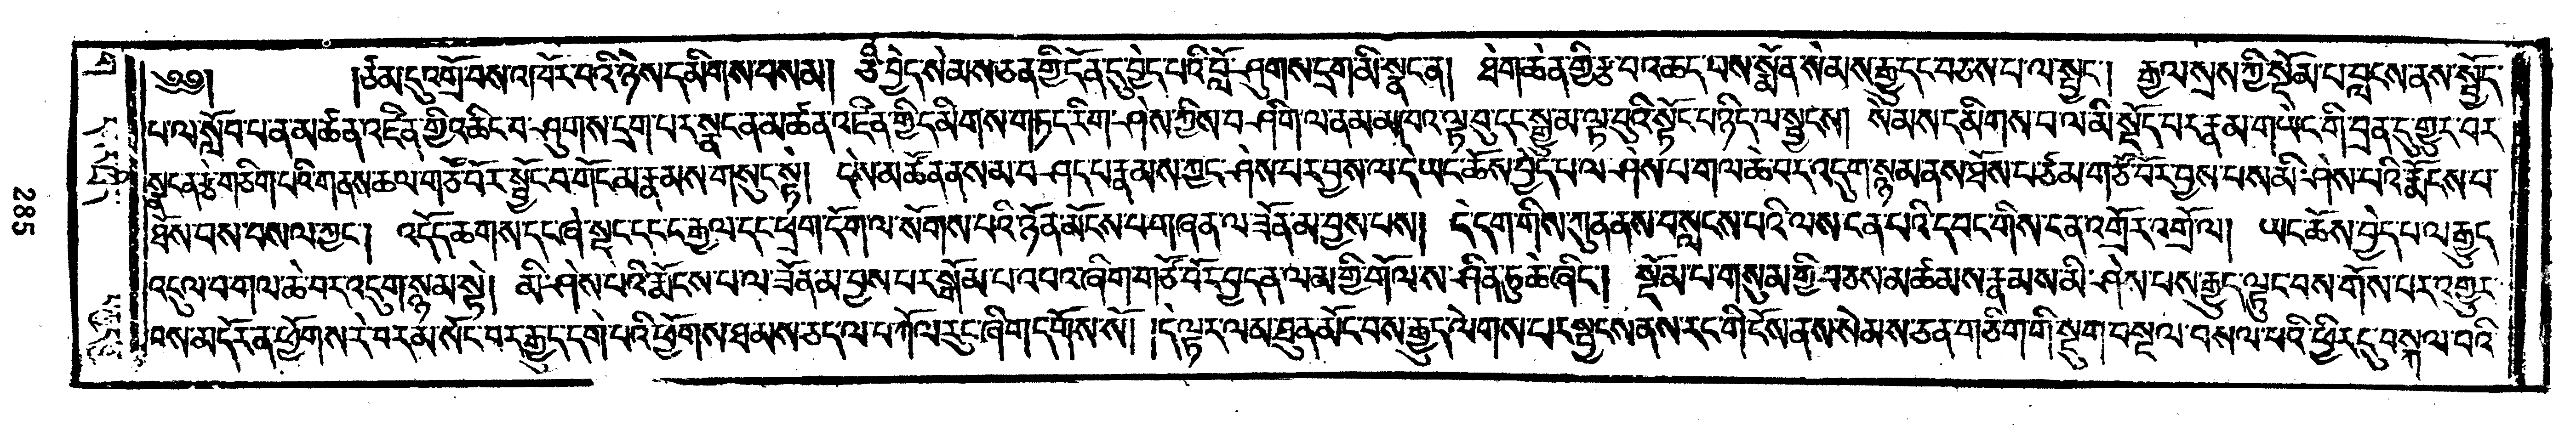༄༅། །ཙམ་དུ་འགྲོ་བས་འཁོར་བའི་ཉེས་དམིགས་བསམ། ཅི་བྱེད་སེམས་ཅན་གྱི་དོན་དུ་བྱེད་པའི་བློ་ཤུགས་དྲག་མི་སྣང་ན། ཐེག་ཆེན་གྱི་རྩ་བ་འཆད་བས་སྨོན་སེམས་རྒྱུ་དང་བཅས་པ་ལ་སྦྱང་། རྒྱལ་སྲས་ཀྱི་སྒོམ་པ་བླངས་ནས་སྦྱོད་
པ་ལ་སློབ་པ་ན་མཚན་འཛིན་གྱི་འཆིང་བ་ཤུགས་དྲག་པར་སྣང་ན་མཚན་འཛིན་གྱི་དམིགས་གཏད་རིག་ཤེས་ཀྱིས་བཤིག་ལ་ནམ་མཁའ་ལྟ་བུ་དང་སྒྱུ་མ་ལྟ་བུའི་སྟོང་པ་ཉིད་ལ་སྦྱངས། སེམས་དམིགས་པ་ལ་མི་སྡོད་པར་རྣམ་གཡེང་གི་བྲན་དུ་གྱུར་བར་
སྣང་ན་རྩེ་གཅིག་པའི་གནས་ཆལ་གཙོ་བོར་སྦྱོང་བ་གོང་མ་རྣམས་གསུང་སྟེ། དེས་མཚོན་ནས་མ་བཤད་པ་རྣམས་ཀྱང་ཤེས་པར་བྱས་ལ་དེ་ཡང་ཆོས་བྱེད་པ་ལ་ཤེས་པ་གལ་ཆེ་བར་འདུག་སྙམ་ནས་ཐོས་པ་ཙམ་གཙོ་བོར་བྱས་པས་མི་ཤེས་པའི་རྨོངས་པ་
ཐོས་བས་བསལ་ཀྱང་། འདོད་ཆགས་དང་ཞེ་སྡང་དང་ང་རྒྱལ་དང་ཕྲག་དོག་ལ་སོགས་པའི་ཉོན་མོངས་པ་གཞན་ལ་ཟོན་མ་བྱས་པས། དེ་དག་གིས་ཀུན་ནས་བསླངས་པའི་ལས་ངན་པའི་དབང་གིས་ངན་འགྲོར་འགྲོ་ལ། ཡང་ཆོས་བྱེད་པ་ལ་རྒྱུད་
འདུལ་བ་གལ་ཆེ་བར་འདུག་སྙམ་སྟེ། མི་ཤེས་པའི་རྨོངས་པ་ལ་ཟོན་མ་བྱས་པར་སྒོམ་པ་འབའ་ཞིག་གཙོ་བོར་བྱད་ན་ལམ་གྱི་གོལ་ས་ཤིན་ཏུ་ཆེ་ཞིང་། སྡོམ་པ་གསུམ་གྱི་བཅས་མཚམས་རྣམས་མི་ཤེས་པས་རྒྱུད་ལྟུང་བས་གོས་པར་འགྱུར་
བས་མདོར་ན་ཕྱོགས་རེ་བར་མ་སོང་བར་རྒྱུད་དགེ་པའི་ཕྱོགས་ཐམས་ཅད་ལ་པ་ཀོལ་རུང་ཞིག་དགོས་སོ། །དེ་ལྟར་ལམ་ཐུན་མོང་བས་རྒྱུད་ལེགས་པར་སྦྱངས་ནས་རང་གི་ངོས་ནས་སེམས་ཅན་གཅིག་གི་སྡུག་བསྔལ་བསལ་པའི་ཕྱིར་དུ་བསྐལ་བའི་